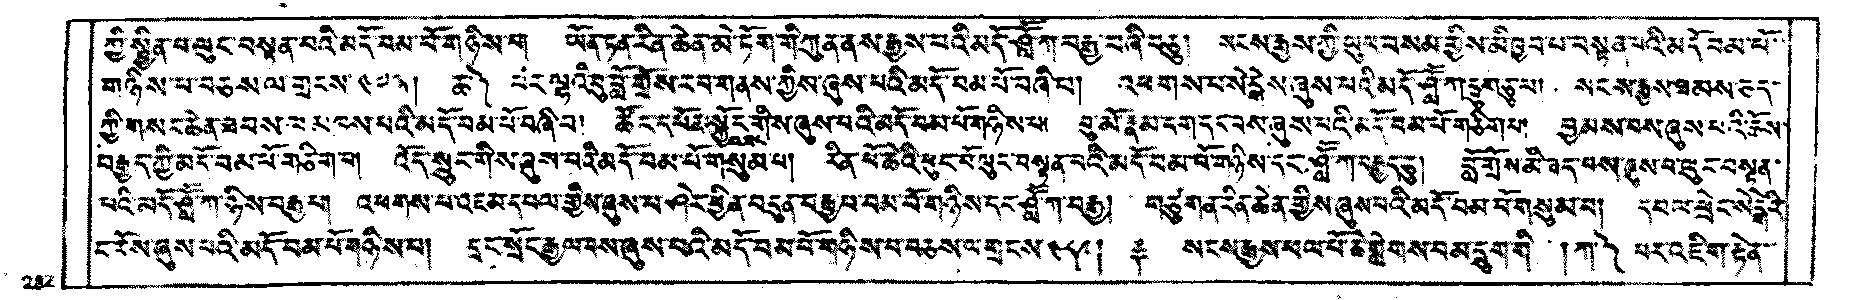ཀྱི་སྦྱིན་པ་ལུང་བསྟན་པའི་མདོ་བམ་པོ་གཉིས་པ། ཡོན་ཏན་རིན་ཆེན་མེ་ཏོག་གི་ཀུན་ནས་རྒྱས་པའི་མདོ་ཤླཽ་ཀ་བརྒྱ་བཞི་བཅུ། སངས་རྒྱས་ཀྱི་ཡུལ་བསམ་གྱིས་མི་ཁྱབ་པ་བསྟན་པའི་མདོ་བམ་པོ་
གཉིས་པ་བཅས་ལ་གྲངས ༤༧༣། ཆ྄་པར་ལྷའི་བུ་བློ་གྲོས་རབ་གནས་ཀྱིས་ཞུས་པའི་མདོ་བམ་པོ་བཞི་པ། འཕགས་པ་སེངྒེས་ཞུས་པའི་མདོ་ཤླཽ་ཀ་དྲུག་ཅུ་པ། སངས་རྒྱས་ཐམས་ཅད་
ཀྱི་གསང་ཆེན་ཐབས་ལ་མཁས་པའི་མདོ་བམ་པོ་བཞི་པ། ཚོང་དཔོན་བཟང་སྐྱོང་གིས་ཞུས་པའི་མདོ་བམ་པོ་གཉིས་པ། བུ་མོ་རྣམ་དག་དང་བས་ཞུས་པའི་མདོ་བམ་པོ་གཅིག་པ། བྱམས་པས་ཞུས་པའི་ཆོས་
བརྒྱད་ཀྱི་མདོ་བམ་པོ་གཅིག་པ། འོད་སྲུང་གིས་ཞུས་པའི་མདོ་བམ་པོ་གསུམ་པ། རིན་པོ་ཆེའི་ཕུང་པོ་ལུང་བསྟན་པའི་མདོ་བམ་པོ་གཉིས་དང་ཤླཽ་ཀ་བརྒྱད་ཅུ། བློ་གྲོས་མི་ཟད་པས་ཞུས་པའི་ལུང་བསྟན་
པའི་མདོ་ཤླཽ་ཀ་ཉིས་བརྒྱ་པ། འཕགས་པ་འཇམ་དཔལ་གྱིས་ཞུས་པ་ཤེར་ཕྱིན་བདུན་བརྒྱ་པ་བམ་པོ་གཉིས་དང་ཤླཽ་ཀ་བརྒྱ། གཙུག་ན་རིན་ཆེན་གྱིས་ཞུས་པའི་མདོ་བམ་པོ་གསུམ་པ། དཔལ་ཕྲེང་སེངྒེའི་
ང་རོས་ཞུས་པའི་མདོ་བམ་པོ་གཉིས་པ། དྲང་སྲོང་རྒྱལ་བས་ཞུས་པའི་མདོ་བམ་པོ་གཉིས་པ་བཅས་ལ་གྲངས ༤༨༩། ༈ སངས་རྒྱས་ཕལ་པོ་ཆེ་གླེགས་བམ་དྲུག་གི །ཀ྄་པར་འཇིག་རྟེན་